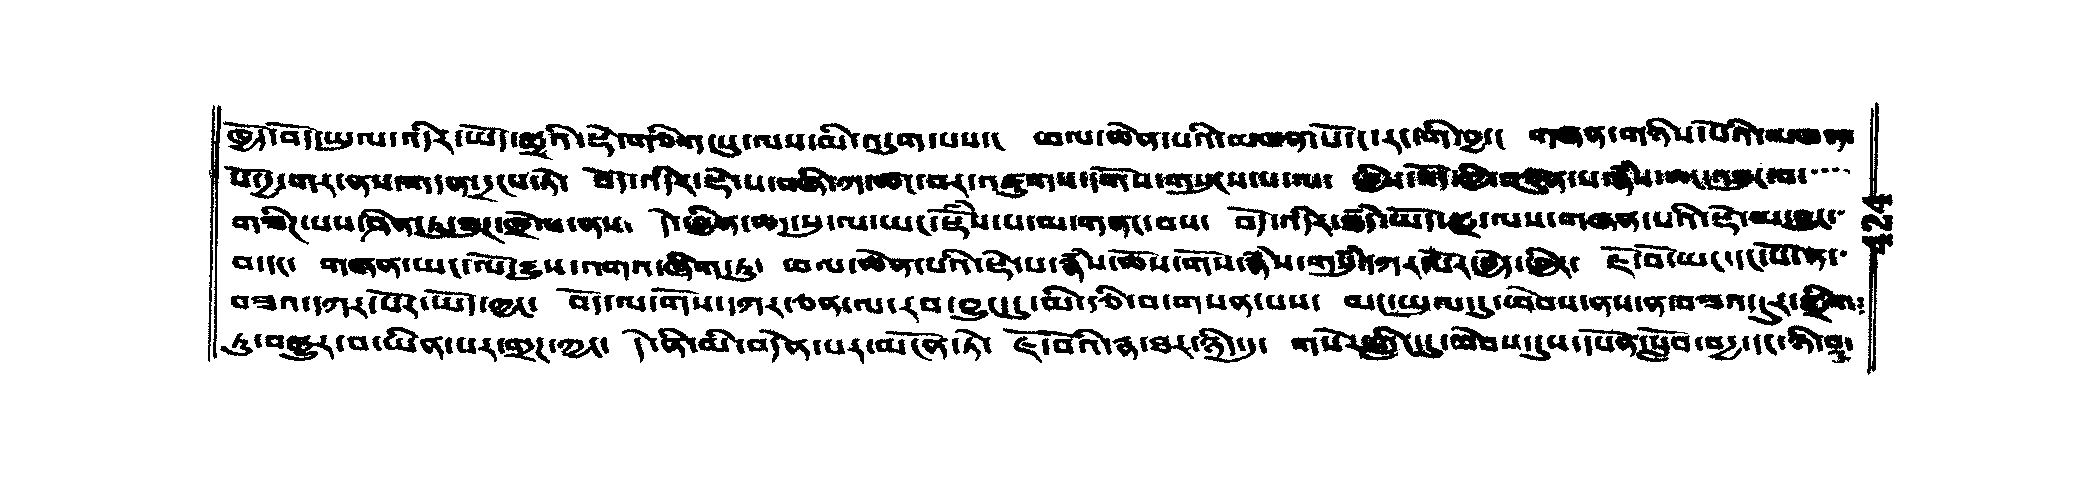ཁྱོད་བོད་ཡུལ་འདིར་ཡོད་སྨྲའི་སྡེ་གཅིག་པུ་ལས་མི་འདུག་པས། ཕལ་ཆེན་པའི་མཁན་པོ་ང་རང་གི་བྱ། གཞན་གཉིས་པོའི་མཁན་
པོ་རྒྱ་གར་ནས་གདན་དྲངས་ཏེ། བོད་འདིར་སྡེ་པ་བཞི་ཀ་ཚང་བར་འཛུགས་དགོས་གསུངས་པ་ལ། ཕྱིས་བོད་ཀྱི་བཙུན་པ་རྣམས་ཆང་འཐུང་བ་
གཟིགས་པས་ཤིན་ཏུ་ཐུགས་ཁྲེལ་ནས། དེ་ཕྱིན་ཆད་སུ་ལ་ཡང་སྡོམ་པ་མ་གནང་བས། བོད་འདིར་ཐམས་ཅད་ཡོད་སྨྲ་ལས་གཞན་པའི་སྡེ་མ་བྱུང་
བ་དང་། གཞན་ཡང་ལོ་རྒྱུས་འགའ་ཞིག་ཏུ། ཕལ་ཆེན་པའི་སྡེ་པ་རྣམས་ཆོས་གོས་རྣམ་གསུམ་དཀར་པོར་བྱེད་ཕྱིར། ཇོ་བོ་ཡང་དང་པོ་ན་
བཟའ་དཀར་པོར་ཡོད་ཀྱང་། བོད་ལ་གོས་དཀར་ཅན་ལ་རབ་བྱུང་དུ་མི་རྩི་བ་གསན་པས། མང་ཡུལ་དུ་ཕེབས་ནས་ན་བཟའ་ངུར་སྨྲིག་
ཏུ་བསྒྱུར་བ་ཡིན་པར་གྲགས་ཀྱང་། དེ་ནི་མི་བདེན་པར་མངོན་ཏེ། ཇོ་བོའི་རྣམ་ཐར་ཉིད་དུ། གསེར་གླིང་དུ་ཕེབས་དུས་དཔོན་སློབ་བརྒྱ་དང་ཉི་ཤུ་